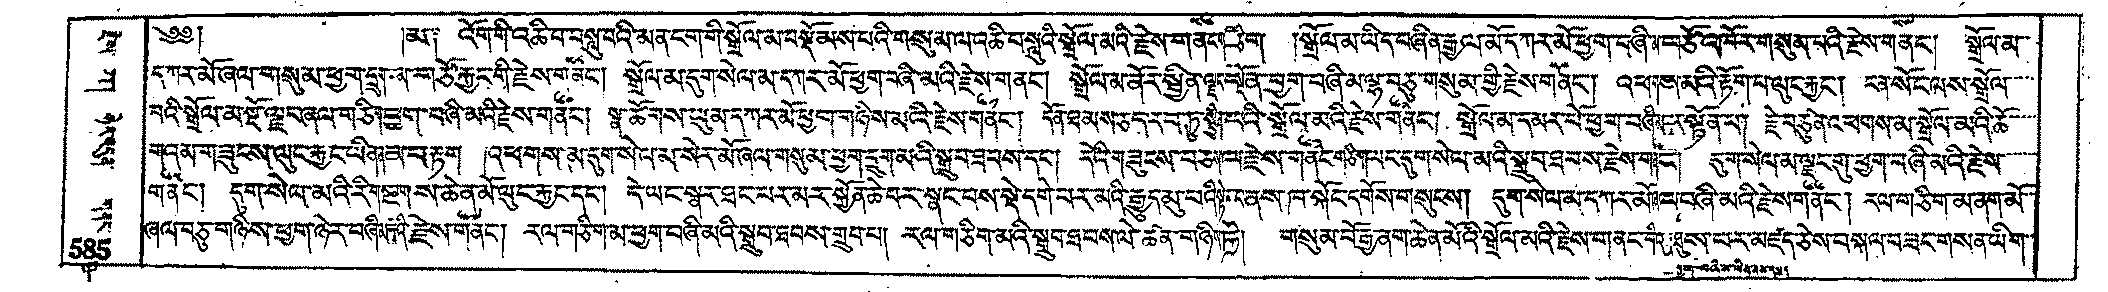༄༅། །མ༑ འོག་གི་འཆི་བ་བསླུ་བའི་མན་ངག་གི་སྒྲོལ་མ་བསྡོམས་པའི་གསུམ་ལ་འཆི་བསླུའི་སྒྲོལ་མའི་རྗེས་གནང་གཅིག །སྒྲོལ་མ་ཡིད་བཞིན་རྒྱལ་མོ་དཀར་མོ་ཕྱག་བཞི་མ་གཙོ་འཁོར་གསུམ་པའི་རྗེས་གནང་། སྒྲོལ་མ་
དཀར་མོ་ཞལ་གསུམ་ཕྱག་དྲུག་མ་གཙོ་རྐྱང་གི་རྗེས་གནང་། སྒྲོལ་མ་དུག་སེལ་མ་དཀར་མོ་ཕྱག་བཞི་མའི་རྗེས་གནང་། སྒྲོལ་མ་ནོར་སྦྱིན་ལྗང་སྔོན་ཕྱག་བཞི་མ་ལྷ་བཅུ་གསུམ་གྱི་རྗེས་གནང་། འཕགས་མའི་རྟོག་པ་ལུང་རྐྱང་། ངན་སོང་ལས་སྒྲོལ་
བའི་སྒྲོལ་མ་སྔོ་ལྗང་ཞལ་གཅིག་ཕྱག་བཞི་མའི་རྗེས་གནང་། སྣ་ཚོགས་ཡུམ་དཀར་མོ་ཕྱག་གཉིས་མའི་རྗེས་གནང་། དོན་ཐམས་ཅད་རབ་ཏུ་སྦྱིན་པའི་སྒྲོལ་མའི་རྗེས་གནང་། སྒྲོལ་མ་དམར་པོ་ཕྱག་བཞི་མར་སྟོན་པ། རྗེ་བཙུན་འཕགས་མ་སྒྲོལ་མའི་ཆོ་
གའམ་གཟུངས་ལུང་རྐྱང་ཡིན་ནམ་བརྟག །འཕགས་མ་དུག་སེལ་མ་སེར་མོ་ཞལ་གསུམ་ཕྱག་དྲུག་མའི་སྒྲུབ་ཐབས་དང་། དེའི་གཟུངས་བཅས་ལ་རྗེས་གནང་གཅིག་ཡང་དུག་སེལ་མའི་སྒྲུབ་ཐབས་རྗེས་གནང་། དུག་སེལ་མ་ལྗང་གུ་ཕྱག་བཞི་མའི་རྗེས་
གནང་། དུག་སེལ་མའི་རིག་སྔགས་ཆེན་མོ་ལུང་རྐྱང་དང་། དེ་ཡང་སྣར་ཐང་པར་མར་སྐྱོན་ཆེ་བར་སྣང་བས་སྡེ་དགེ་པར་མའི་རྒྱུད་མུ་པའི་སྟེང་ནས་ཁ་སྐོང་དགོས་གསུངས། དུག་སེལ་མ་དཀར་མོ་ཞལ་བཞི་མའི་རྗེས་གནང་། རལ་གཅིག་མ་ནག་མོ་
ཞལ་བཅུ་གཉིས་ཕྱག་ཉེར་བཞི་མའི་རྗེས་གནང་། རལ་གཅིག་མ་ཕྱག་བཞི་མའི་སྒྲུབ་ཐབས་གྲུབ་པ། རལ་གཅིག་མའི་སྒྲུབ་ཐབས་ལེ་ཚན་གཉིས་ཏེ། གསུམ་པོ་རྒྱ་ནག་ཆེན་མོའི་སྒྲོལ་མའི་རྗེས་གནང་གི་འཐུས་པར་མཛད་ཅེས་བསྐལ་བཟང་གསན་ཡིག་